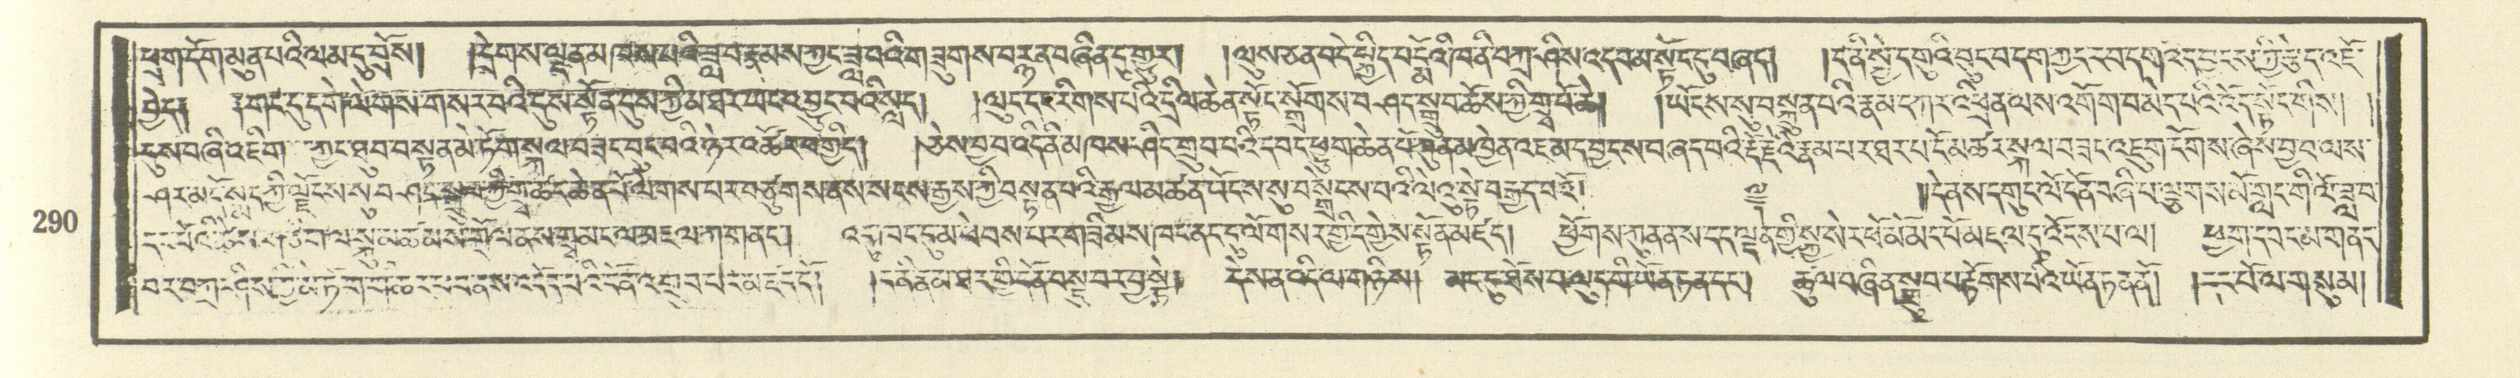ཕྲག་དོག་མུན་པའི་ལམ་དུ་བྲོས། །དྲེགས་ལྡན་མཁས་པའི་ཟླ་བ་རྣམས་ཀྱང་ཟླ་བའི་གཟུགས་བརྙན་བཞིན་དུ་གྱུར། །ལུས་ཅན་བདེ་སྐྱིད་པདམོའི་ཁ་ནི་བཀྲ་ཤིས་འདབ་མ་སྟོང་དུ་བཞད། །ད་ནི་སྐྱེ་དགུའི་བུང་བདག་ཀྱང་རབ་དགའི་དབྱངས་ཀྱི་རྩེད་འཇོ་
བྱེད༑ ༑གང་དུ་དགེ་ལེགས་གསར་བའི་དུས་སྟོན་དུས་ཀྱི་མཐར་ཡང་འབྱུང་བའི་སླད། །ལུང་དང་རིགས་པའི་དྲིལ་ཆེན་སྟོང་སྒྲོགས་བཤད་སྒྲུབ་ཆོས་ཀྱི་གྲྭ་པོ་ཆེ། །ཡོངས་སུ་བསྐྲུན་བའི་རྣམ་དཀར་འཕྲིན་ལས་འགོག་པ་མེད་པའི་འོད་སྟོང་གིས། །
དུས་བཞི་འཇིག་ཀྱང་ཐུབ་བསྟན་མེ་ཏོག་སྐལ་བཟང་བུང་བའི་ཉེར་འཚོར་བགྱིད། །ཅེས་བྱ་བ་འདི་ནི་མཁས་ཤིང་གྲུབ་བའི་དབང་ཕྱུག་ཆེན་པོ་ཀུན་མཁྱེན་འཇམ་དབྱངས་བཞད་པའི་རྡོ་རྗེའི་རྣམ་པར་ཐར་པ་ངོ་མཚར་སྐལ་བཟང་འཇུག་ངོགས་ཞེས་བྱ་བ་ལས་
ཤར་མདོ་སྨད་ཀྱི་ལྗོངས་སུ་བཤད་སྒྲུབ་ཀྱི་གྲྭ་ཚང་ཆེན་པོ་ལེགས་པར་བཙུགས་ནས་སངས་རྒྱས་ཀྱི་བསྟན་པའི་རྒྱལ་མཚན་ཡོངས་སུ་བསྒྲེངས་པའི་ལེའུ་སྟེ་བརྒྱད་པའོ། ༈ །།དེ་ནས་དགུང་ལོ་དོན་བཞི་པ་ལྕགས་མོ་གླང་གི་ལོ་ཟླ་བ་
དང་པོའི་ཚེས་གཅིག་ལ་སྐུ་མཚམས་གྲོལ་ནས་གྲྭ་མང་ལ་མཇལ་ཀ་གནང་། འདུ་ཁང་དུ་མ་ཕེབས་པར་གཟིམས་ཁང་ནང་དུ་ལོ་གསར་གྱི་དགྱེས་སྟོན་མཛད། ཕྱོགས་ཀུན་ནས་དང་ལྡན་གྱི་སྐྱ་སེར་ཕོ་མོ་མང་པོ་མཇལ་དུ་འོངས་པ་ལ། ཕྱག་དབང་མ་གནང་
བར་བཀྲ་ཤིས་ཀྱི་མེ་ཏོག་གི་ཆར་ཕབ་ནས་འདོད་པའི་དོན་འགྲུབ་པར་མཛད་དོ། །ད་ནི་རྣམ་ཐར་གྱི་དོན་བསྡུ་བར་བྱ་སྟེ། དེས་ན་འདི་ལ་གཉིས། མང་དུ་ཐོས་བ་ལུང་གི་ཡོན་ཏན་དང་། ཚུལ་བཞིན་སྒྲུབ་པ་རྟོགས་པའི་ཡོན་ཏན་ནོ། །དང་པོ་ལ་གསུམ།